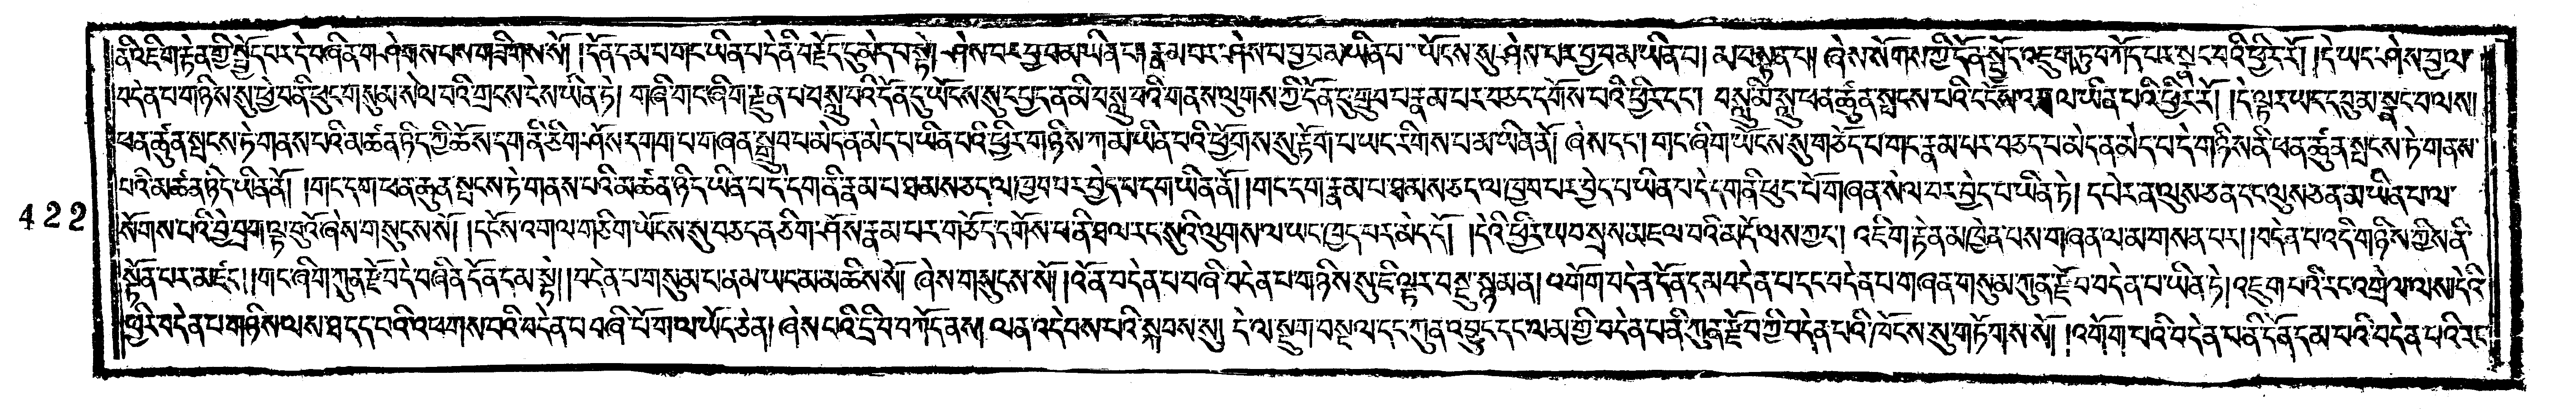ནི་འཇིག་རྟེན་གྱི་སྤྱོད་པར་དེ་བཞིན་གཤེགས་པས་གཟིགས་སོ། །དོན་དམ་པ་གང་ཡིན་པ་དེ་ནི་བརྗོད་དུ་མེད་པ་སྟེ། ཤེས་པར་བྱ་བ་མ་ཡིན་པ། རྣམ་པར་ཤེས་པ་བྱ་བ་མ་ཡིན་པ་ཡོངས་སུ་ཤེས་པར་བྱ་བ་མ་ཡིན་པ། མ་བསྟན་པ། ཞེས་སོགས་ཀྱི་དོན་སྤྱོད་འཇུག་ཏུ་བཀོད་པར་སྣང་བའི་ཕྱིར་རོ། །དེ་ཡང་ཤེས་བྱ་ལ་
བདེན་པ་གཉིས་སུ་ཕྱེ་བ་ནི་ཕུང་གསུམ་སེལ་བའི་གྲངས་ངེས་ཡིན་ཏེ། གཞི་གང་ཞིག་རྫུན་པ་བསླུ་བའི་དོན་དུ་ཡོངས་སུ་དབྱད་ན་མི་བསླུ་བའི་གནས་ལུགས་ཀྱི་དོན་དུ་གྲུབ་པ་རྣམ་པར་བཅད་དགོས་པའི་ཕྱིར་དང་། བསླུ་མི་སླུ་ཕན་ཚུན་སྤངས་པའི་དངོས་འབྲལ་ཡིན་པའི་ཕྱིར་རོ། །དེ་ལྟར་ཡང་དབུ་མ་སྣང་བ་ལས།
ཕན་ཚུན་སྤངས་ཏེ་གནས་པའི་མཚན་ཉིད་ཀྱི་ཆོས་དག་ནི་ཅིག་ཤོས་དགག་པ་གཞན་སྒྲུབ་པ་མེད་ན་མེད་པ་ཡིན་པའི་ཕྱིར་གཉིས་ཀ་མ་ཡིན་པའི་ཕྱོགས་སུ་རྟོག་པ་ཡང་རིགས་པ་མ་ཡིན་ནོ། ཞེས་དང་། གང་ཞིག་ཡོངས་སུ་གཅོད་པ་གང་རྣམ་པར་བཅད་པ་མེད་ན་མེད་བདེ་གཉིས་ནི་ཕན་ཚུན་སྤངས་ཏེ་གནས་
བའི་མཚན་ཉིད་ཡིན་ནོ། །གང་དག་ཕན་ཆུན་སྤངས་ཏེ་གནས་པའི་མཚན་ཉིད་ཡིན་པ་དེ་དག་ནི་རྣམ་པ་ཐམས་ཅད་ལ་ཁྱབ་པར་བྱེད་པ་དག་ཡིན་ནོ། །གང་དག་རྣམ་པ་ཐམས་ཅད་ལ་ཁྱབ་པར་བྱེད་པ་ཡིན་པ་དེ་དག་ནི་ཕུང་པོ་གཞན་སེལ་བར་བྱེད་པ་ཡིན་ཏེ། དཔེར་ན་ལུས་ཅན་དང་ལུས་ཅན་མ་ཡིན་པ་ལ་
སོགས་པའི་བྱེ་བྲག་ལྟ་བུའོ་ཞེས་གསུངས་སོ། །དངོས་འགལ་གཅིག་ཡོངས་སུ་བཅད་ན་ཅིག་ཤོས་རྣམ་པར་གཅོད་དགོས་པ་ནི་ཐལ་རང་སུའི་ལུགས་ལ་ཡང་ཁྱད་པར་མེད་དོ། །དེའི་ཕྱིར་ཡབ་སྲས་མཇལ་བའི་མདོ་ལས་ཀྱང་། འཇིག་རྟེན་མཁྱེན་པས་གཞན་ལམ་གསན་པར། །བདེན་བ་འདི་གཉིས་ཀྱིས་ནི་
སྟོན་པར་མཛག །གང་ཞིག་ཀུན་རྫོ་བདེ་བཞིན་དོན་དམ་སྟེ། །བདེན་པ་གསུམ་པ་ནམ་ཡང་མ་མཆིས་སོ། ཞེས་གསུངས་སོ། །འོ་ན་བདེན་པ་བཞི་བདེན་པ་གཉིས་སུ་ཇི་ལྟར་བསྡུ་སྙམ་ན། འགོག་བདེན་དོན་དམ་བདེན་པ་དང་བདེན་པ་གཞན་གསུམ་ཀུན་རྫོབ་བདེན་པ་ཡིན་ཏེ། འཇུག་པའི་རང་འགྲེལ་ལས་དེའི་
ཕྱིར་བདེན་བ་གཉིས་ལས་ཐ་དད་པའི་འཕགས་པའི་བདེན་བ་བཞི་པོ་གལ་ཡོད་ཅེ་ན། ཞེས་པའི་དྲི་བ་བཀོད་ནས། ལན་འདེབས་པའི་སྐབས་སུ། དེ་ལ་སྡུག་བསྔལ་དང་ཀུན་འབྱུང་དང་ལམ་གྱི་བདེན་པ་ནི་ཀུན་རྫོབ་ཀྱི་བདེན་པའི་ཁོངས་སུ་གཏོགས་སོ། །འགོག་པའི་བདེན་པ་ནི་དོན་དམ་པའི་བདེན་པའི་རུང་